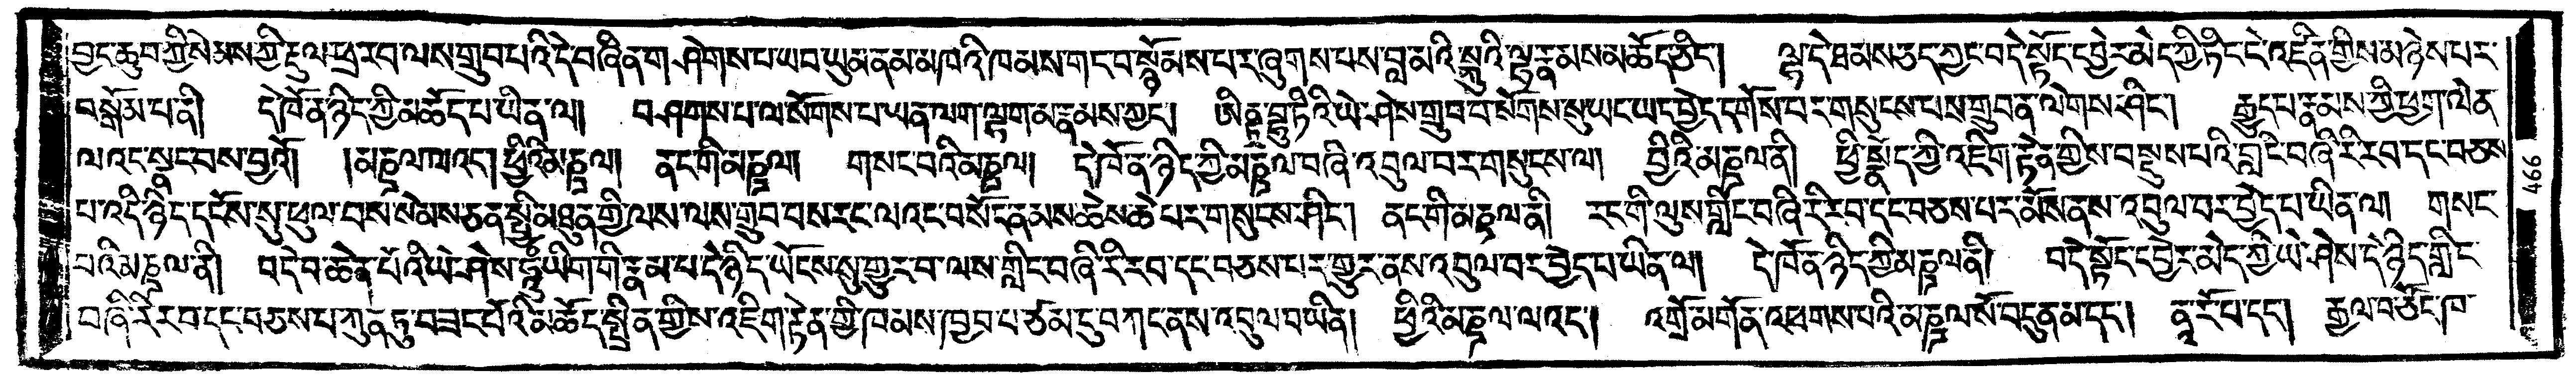བྱང་ཆུབ་ཀྱི་སེམས་ཀྱི་རྡུལ་ཕྲ་རབ་ལས་གྲུབ་པའི་དེ་བཞིན་གཤེགས་པ་ཡབ་ཡུམ་ནམ་མཁའི་ཁམས་གང་བ་སྙོམས་པར་ཞུགས་པས་བླ་མའི་སྐུའི་ལྷ་རྣམས་མཆོད་ཅིང་། ལྷ་དེ་ཐམས་ཅད་ཀྱང་བདེ་སྟོང་དབྱེར་མེད་ཀྱི་ཏིང་ངེ་འཛིན་གྱིས་མཉེས་པར་
བསྒོམ་པ་ནི། དེ་ཁོ་ན་ཉིད་ཀྱི་མཆོད་པ་ཡིན་ལ། བཤགས་པ་ལ་སོགས་པ་ཡན་ལག་ལྷག་མ་རྣམས་ཀྱང་། ཨིནྟྲ་བྷུ་ཏིའི་ཡེ་ཤེས་གྲུབ་པ་སོགས་སུ་ཡང་ཡང་བྱེད་དགོས་པར་གསུངས་པས་གྲུབ་ན་ལེགས་ཤིང་། རྒྱུད་པ་རྣམས་ཀྱི་ཕྱག་ལེན་
ལའང་སྣང་བས་བྱའོ། །མཎྜལ་ལའང་། ཕྱིའི་མཎྜལ། ནང་གི་མཎྜལ། གསང་བའི་མཎྜལ། དེ་ཁོ་ན་ཉིད་ཀྱི་མཎྜལ་བཞི་འབུལ་བར་གསུངས་ལ། བྱིའི་མཎྜལ་ནི། ཕྱི་སྣོད་ཀྱི་འཇིག་རྟེན་གྱིས་བསྡུས་པའི་གླིང་བཞི་རི་རབ་དང་བཅས་
པ་འདི་ཉིད་དངོས་སུ་ཕུལ་བས་སེམས་ཅན་སྤྱི་མཐུན་གྱི་ལས་ལས་གྲུབ་པས་རང་ལའང་བསོད་ནམས་ཆེས་ཆེ་པར་གསུངས་ཤིང་། ནང་གི་མཎྜལ་ནི། རང་གི་ལུས་གླིང་བཞི་རི་རབ་དང་བཅས་པར་མོས་ནས་འབུལ་བར་བྱེད་པ་ཡིན་ལ། གསང་
བའི་མཎྜལ་ནི། བདེ་བ་ཆེན་པོའི་ཡེ་ཤེས་ཧཱུཾ་ཡིག་གི་རྣམ་པ་དེ་ཉིད་ཡོངས་སུ་གྱུར་བ་ལས་གླིང་བཞི་རི་རབ་དང་བཅས་པར་གྱུར་ནས་འབུལ་བར་བྱེད་པ་ཡིན་ལ། དེ་ཁོ་ན་ཉིད་ཀྱི་མཎྜལ་ནི། བདེ་སྟོང་དབྱེར་མེད་ཀྱི་ཡེ་ཤེས་དེ་ཉིད་གླིང་
བཞི་རི་རབ་དང་བཅས་པ་ཀུན་ཏུ་བཟང་པོའི་མཆོད་སྤྲིན་གྱིས་འཇིག་རྟེན་གྱི་ཁམས་ཁྱབ་པ་ཙམ་དུ་བཀང་ནས་འབུལ་བ་ཡིན། ཕྱིའི་མཎྜལ་ལའང་། འགྲོ་མགོན་འཕགས་པའི་མཎྜལ་སོ་བདུན་མ་དང་། ནཱ་རོ་པ་དང་། རྒྱལ་བ་ཙོང་ཁ་